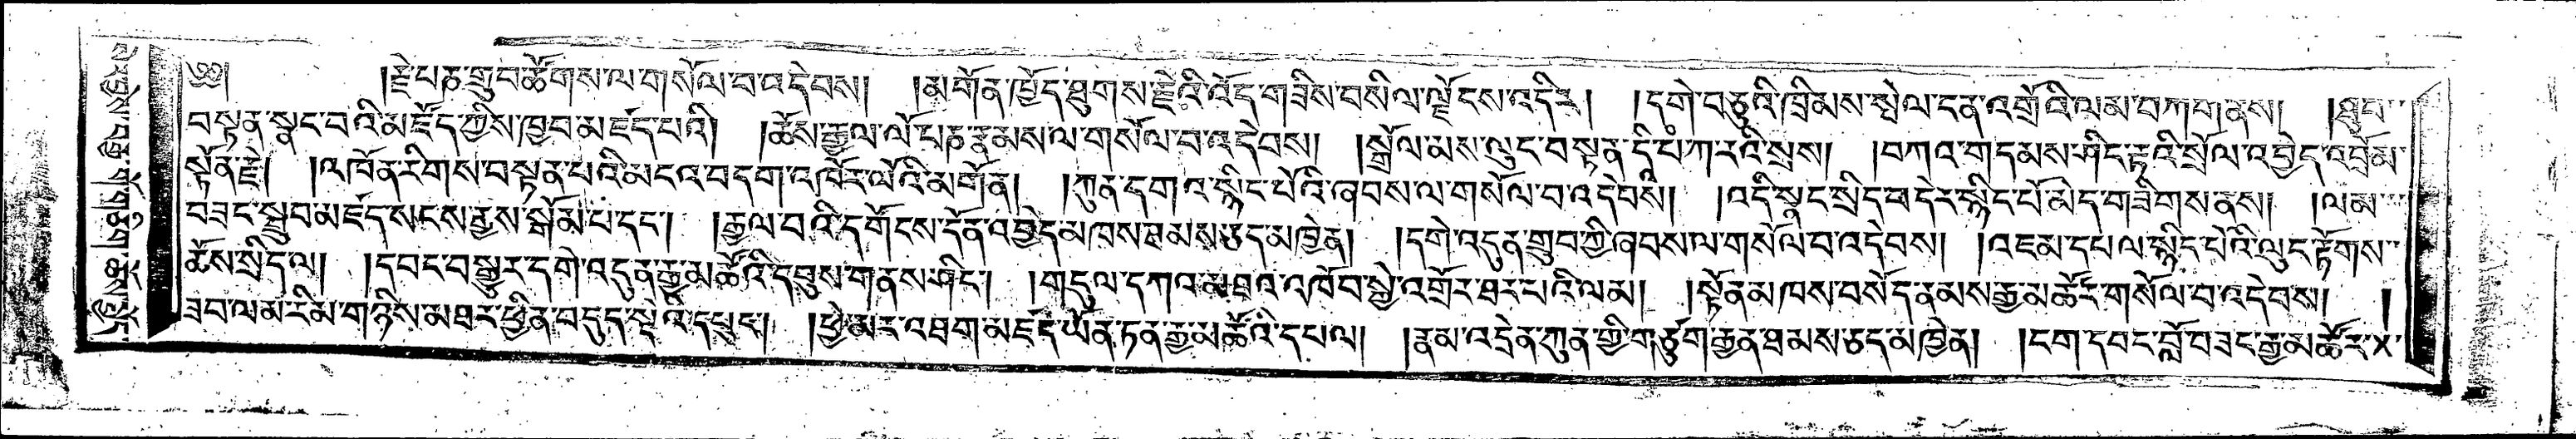༄༅། །རྗེ་པཎ་གྲུབ་ཚོགས་ལ་གསོལ་བ་འདེབས། །མགོན་ཁྱོད་ཐུགས་རྗེའི་འོད་གཟིས་བསིལ་ལྗོངས་འདིར། །དགེ་བཅུའི་ཁྲིམས་སྤེལ་ངན་འགྲོའི་ལམ་བཀག་ནས། །ཐུབ་
བསྟན་སྣང་བའི་མཛོད་ཀྱིས་ཁྱབ་མཛད་པའི། །ཆོས་རྒྱལ་ལོ་པཎ་རྣམས་ལ་གསོལ་བ་འདེབས། །སྒྲོལ་མས་ལུང་བསྟན་དཱི་པཾ་ཀ་རའི་སྲས། །བཀའ་གདམས་ཤིང་རྟའི་སྲོལ་འབྱེད་འབྲོམ་
སྟོན་རྗེ། །འཁོན་རིགས་བསྟན་པའི་མངའ་བདག་འཁོར་ལོའི་མགོན། །ཀུན་དགའ་སྙིང་པོའི་ཞབས་ལ་གསོལ་བ་འདེབས། །འདི་སྣང་སྲིད་བདེར་སྙིང་པོ་མེད་གཟིགས་ནས། །ལམ་
བཟང་སྒྲུབ་མཛད་སངས་རྒྱས་སྒོམ་པ་དང་། །རྒྱལ་བའི་དགོངས་དོན་འབྱེད་མཁས་ཐམས་ཅད་མཁྱེན། །དགེ་འདུན་གྲུབ་ཀྱི་ཞབས་ལ་གསོལ་བ་འདེབས། །འཇམ་དཔལ་སྙིང་པོའི་ལུང་རྟོགས་
ཆོས་སྲིད་ལ། །དབང་བསྒྱུར་དགེ་འདུན་རྒྱ་མཚོའི་དབུས་གནས་ཤིང་། །གདུལ་དཀའ་མཐའ་འཁོབ་སྐྱེ་འགྲོར་ཐར་པའི་ལམ། །སྟོན་མཁས་བསོད་ནམས་རྒྱ་མཚོར་གསོལ་བ་འདེབས། །
ཟབ་ལམ་རིམ་གཉིས་མཐར་ཕྱིན་བདུད་སྡེའི་དཔུང་། །ཕྱེ་མར་འཐག་མཛད་ཡོན་ཏན་རྒྱ་མཚོའི་དཔལ། །རྣམ་འདྲེན་ཀུན་གྱི་གཙུག་རྒྱན་ཐམས་ཅད་མཁྱེན། །ངག་དབང་བློ་བཟང་རྒྱ་མཚོར་{྾}